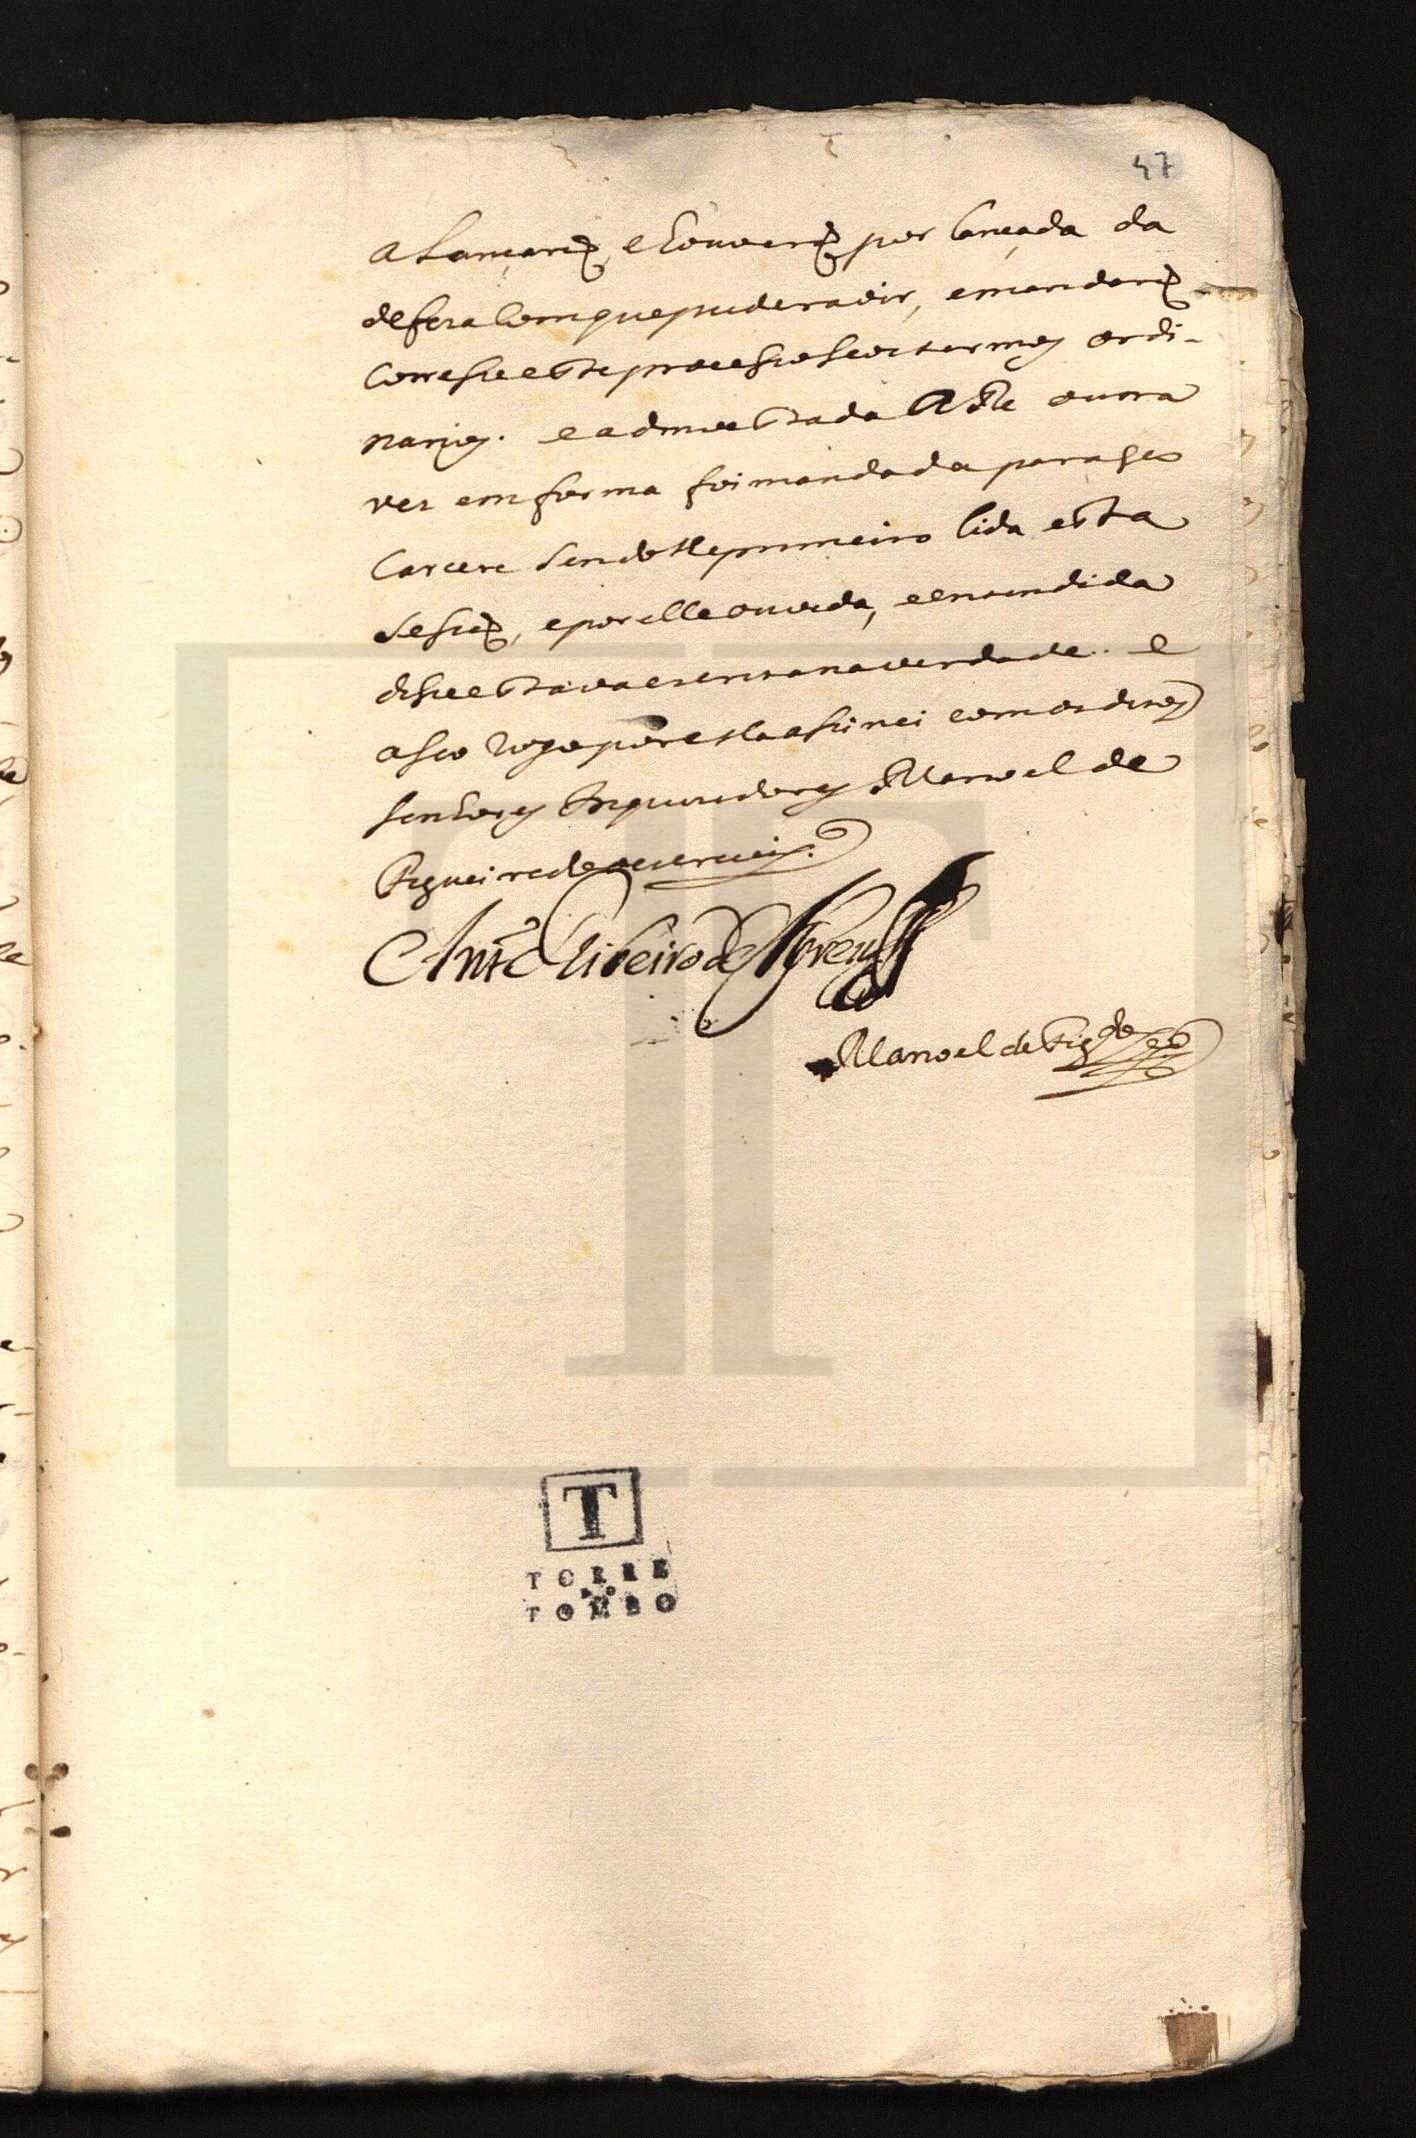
47
a Lançaraõ, e houverõ por lançada da
defeza com que pudera vir, e mandaraõ
corresse este processo seos termos ordi
narios. e admoestada a Re outra
vez em forma foi mandada para seo
Carcere sendolhe primeiro lida esta
sessaõ, e por elle ouvida, e entendida
disse estava escrita na verdade. e
a seo Rogo por ella asinei com os ditos
senhores Inquizidores Manoel de
Fegueiredo o escreuy.
Anto Ribeiro de Abreu
Manoel de Figdo
